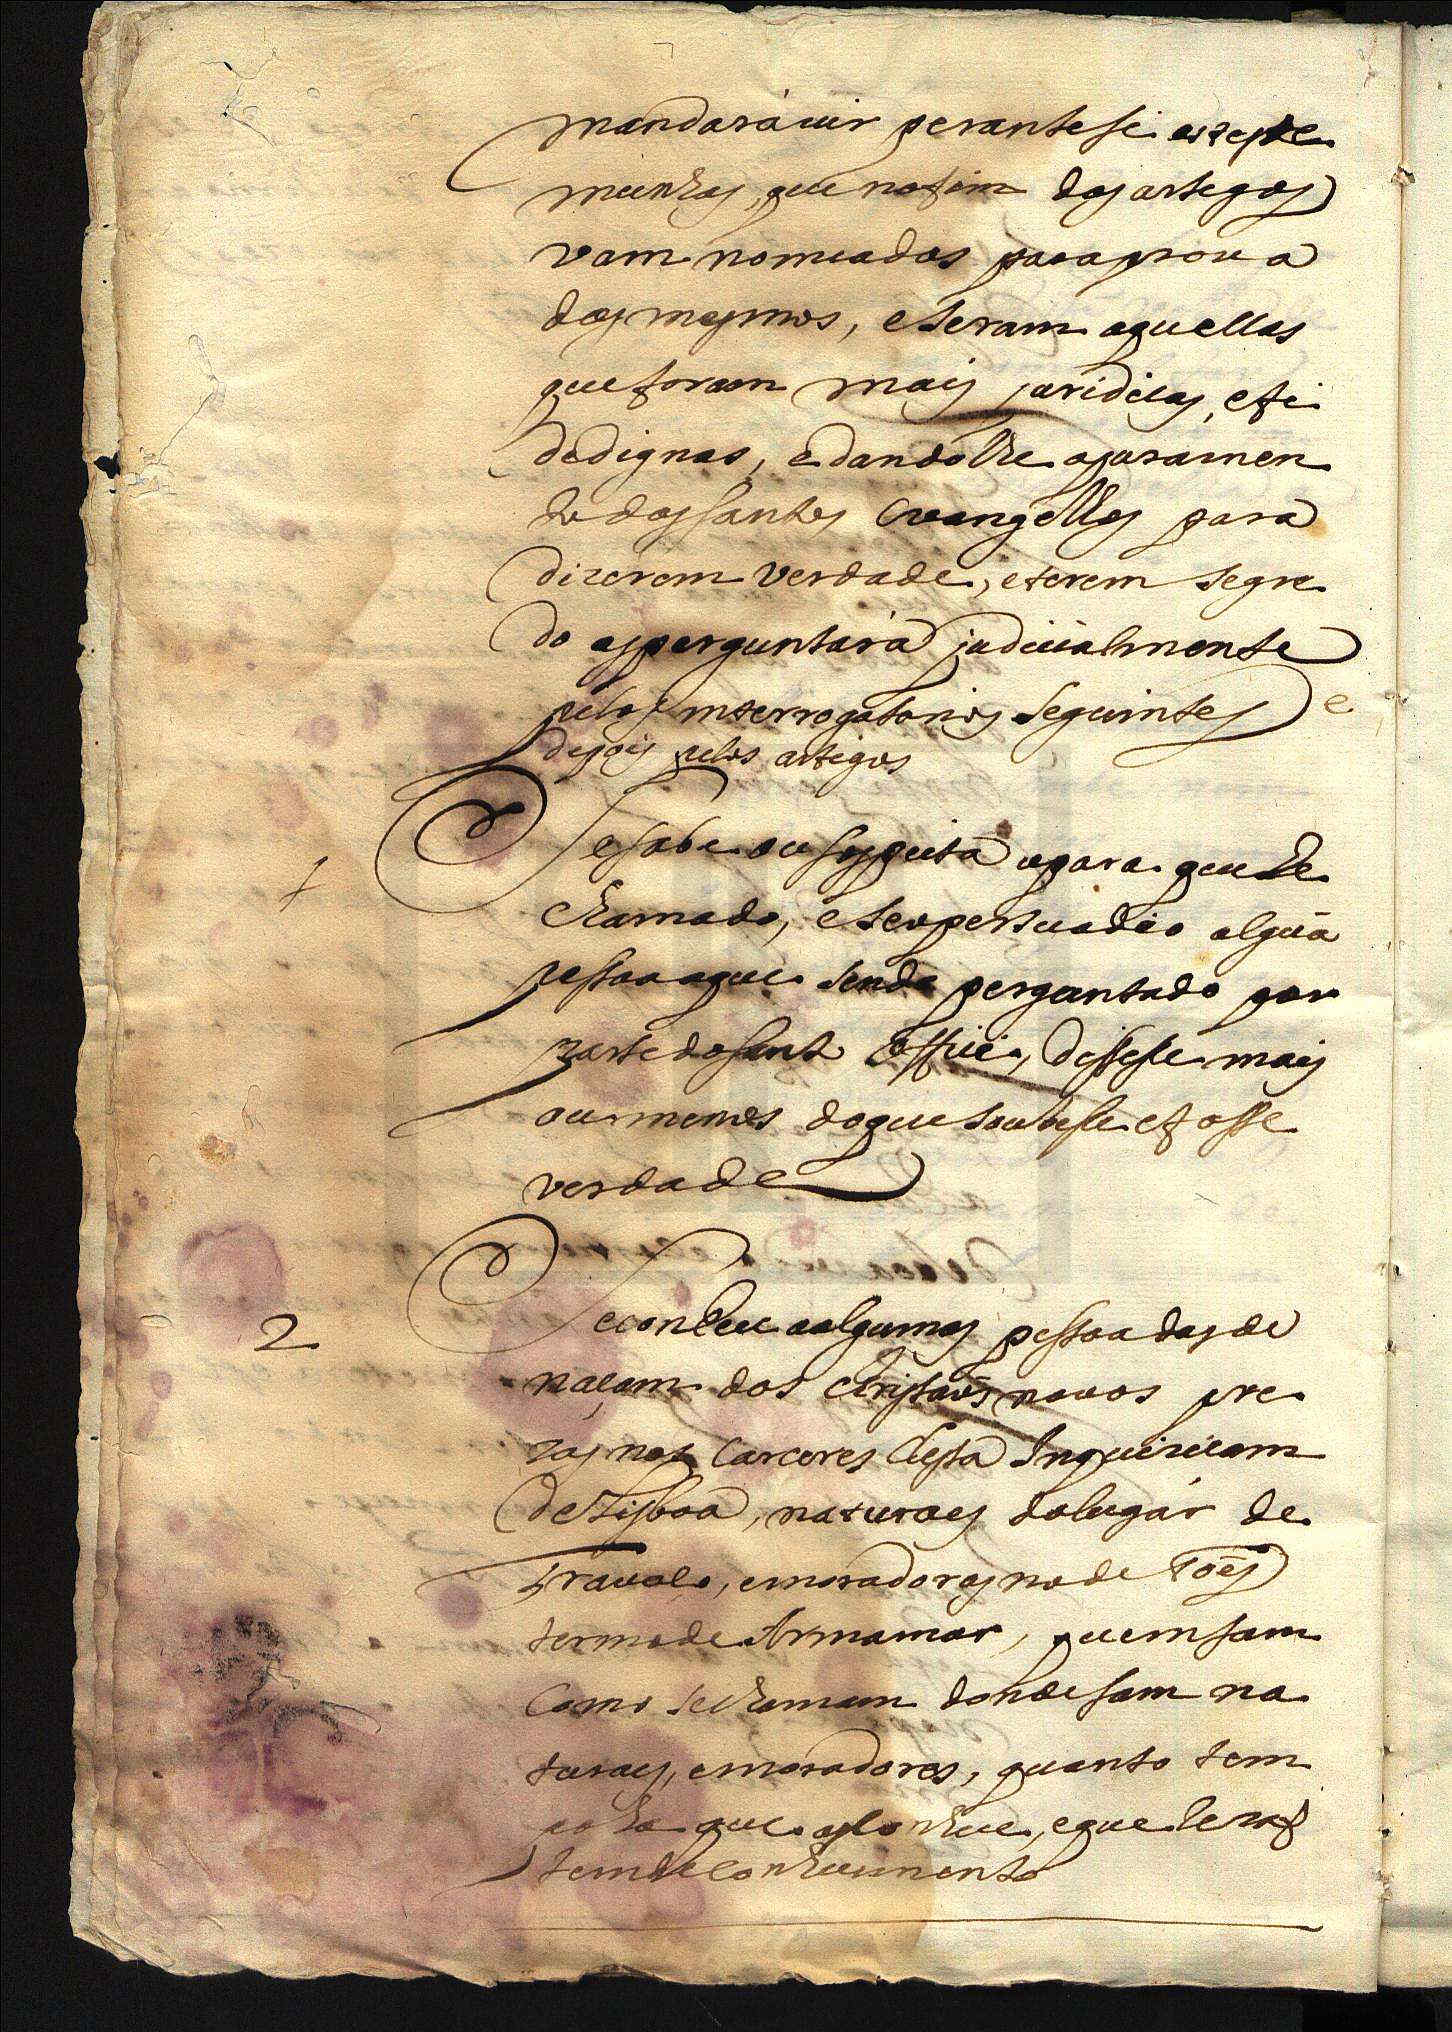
mandará uir perante si as teste
munhas, que no fim dos artigos
vam nomeadas para proua
dos mesmos, e seram aquellas
que foram mais juridicas, e fi
dedignas, e dando lhe o juramen
to dos santos evangelhos para
dizerem verdade, e terem segre
do as perguntara judicialmente
pelos interrogatorios seguintes e
depois pelos artigos
Se sabe ou sospeita o para que he
chamado, e se o persuadio alguā
pessoa a que sendo perguntado por
parte do santo officio, dissesse mais
ou menos do que soubese e fosse
verdade.
Se conhece a algumas pessoa das de
naçam dos christaõs nouos pre
zas nos carceres desta Inquiziçam
de Lisboa, naturaes do lugar de
Trauaço, e moradoras no de Toẽs
termo de Armamar, quem sam
como se chamam donde sam na
turaes, e moradores, quanto tem
po ha que as conhece, e que Rezaõ
tem de conhecimento
